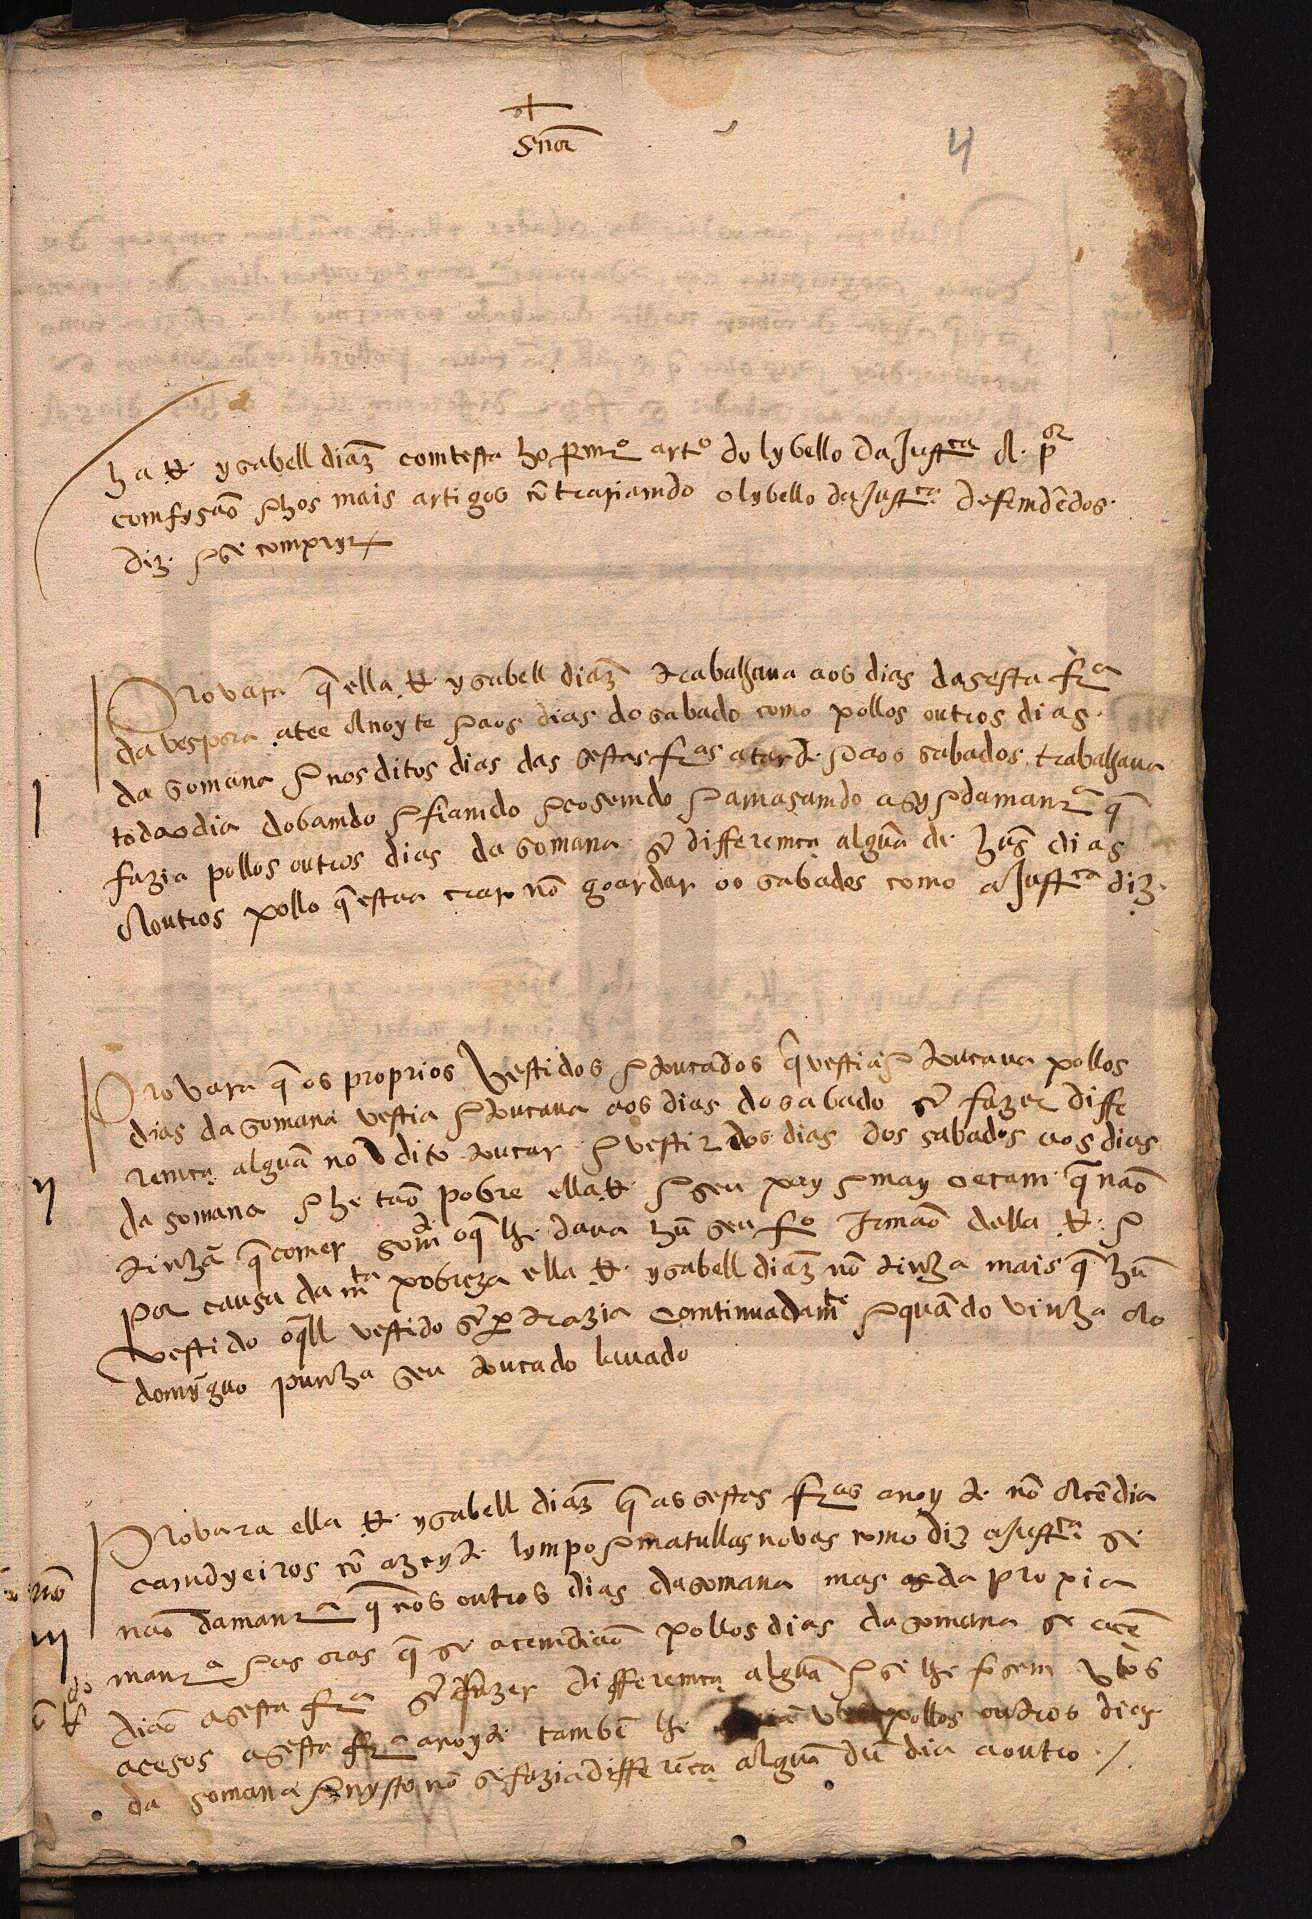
Sn̄or
ha .R· ysabell diaz comtesta ho pmro arto do lybello da Justca A· por
comfysão e hos mais artigos cōtrariamdo o lybello da Justca. defemdēdose
diz. e se compryr/
Provara q̄ ella .R· ysabell diaz trabalhaua aos dias da sesta fra
da vespora atee A noyte e aos dias do sabado como pollos outros dias
da somana e nos ditos dias das sestas fras a tarde e aos sabados trabalhaua
toda o dia dobamdo e fiamdo e cosemdo e amasamdo asy e da manra q̄
fazia pollos outros dias da somana sē differemça algūa de hūs dias
A outros pollo q̄ estaa craro nō goardar os sabados como a Justca diz.
Provara q̄ os proprios Vestidos e toucados q̄ vestia e toucaua pollos
dias da somana vestia e toucaua aos dias do sabado sē fazer diffe
remça alguā no _ dito toucar e vestir dos dias dos sabados aos dias
da somana e he tão pobre ella .R· e seu pay e may o eram q̄ não
tinhā q̄ comer somte o q̄ lhe daua hū seu fo Jrmão della .R· e
por causa da mta pobreza ella .R· ysabell diaz nō tinha mais q̄ hū
vestido o q̄ll vestido sēꝑ trazia comtinuadamte e quādo vinha Ao
domȳguo punha seu toucado lauado
Provara ella .R· ysabell diaz q̄ as sestas fras a noyte nō Acēdia
camdyeiros cō azeyte lympo e matullas novas como diz a Justca. se
não da manra q̄ nos outros dias da somana mas os da propia
manra e as oras q̄ se acemdião pollos dias da somana se açē
dião a sesta fra sē fazer differemça algūa e se lhe fosem vtos
acesos a sesta fra a noyte tambē lhe _iā vtos pollos outros dias
da somana e nysto nō se fazia differēça alguā dū dia a outro ·/.
